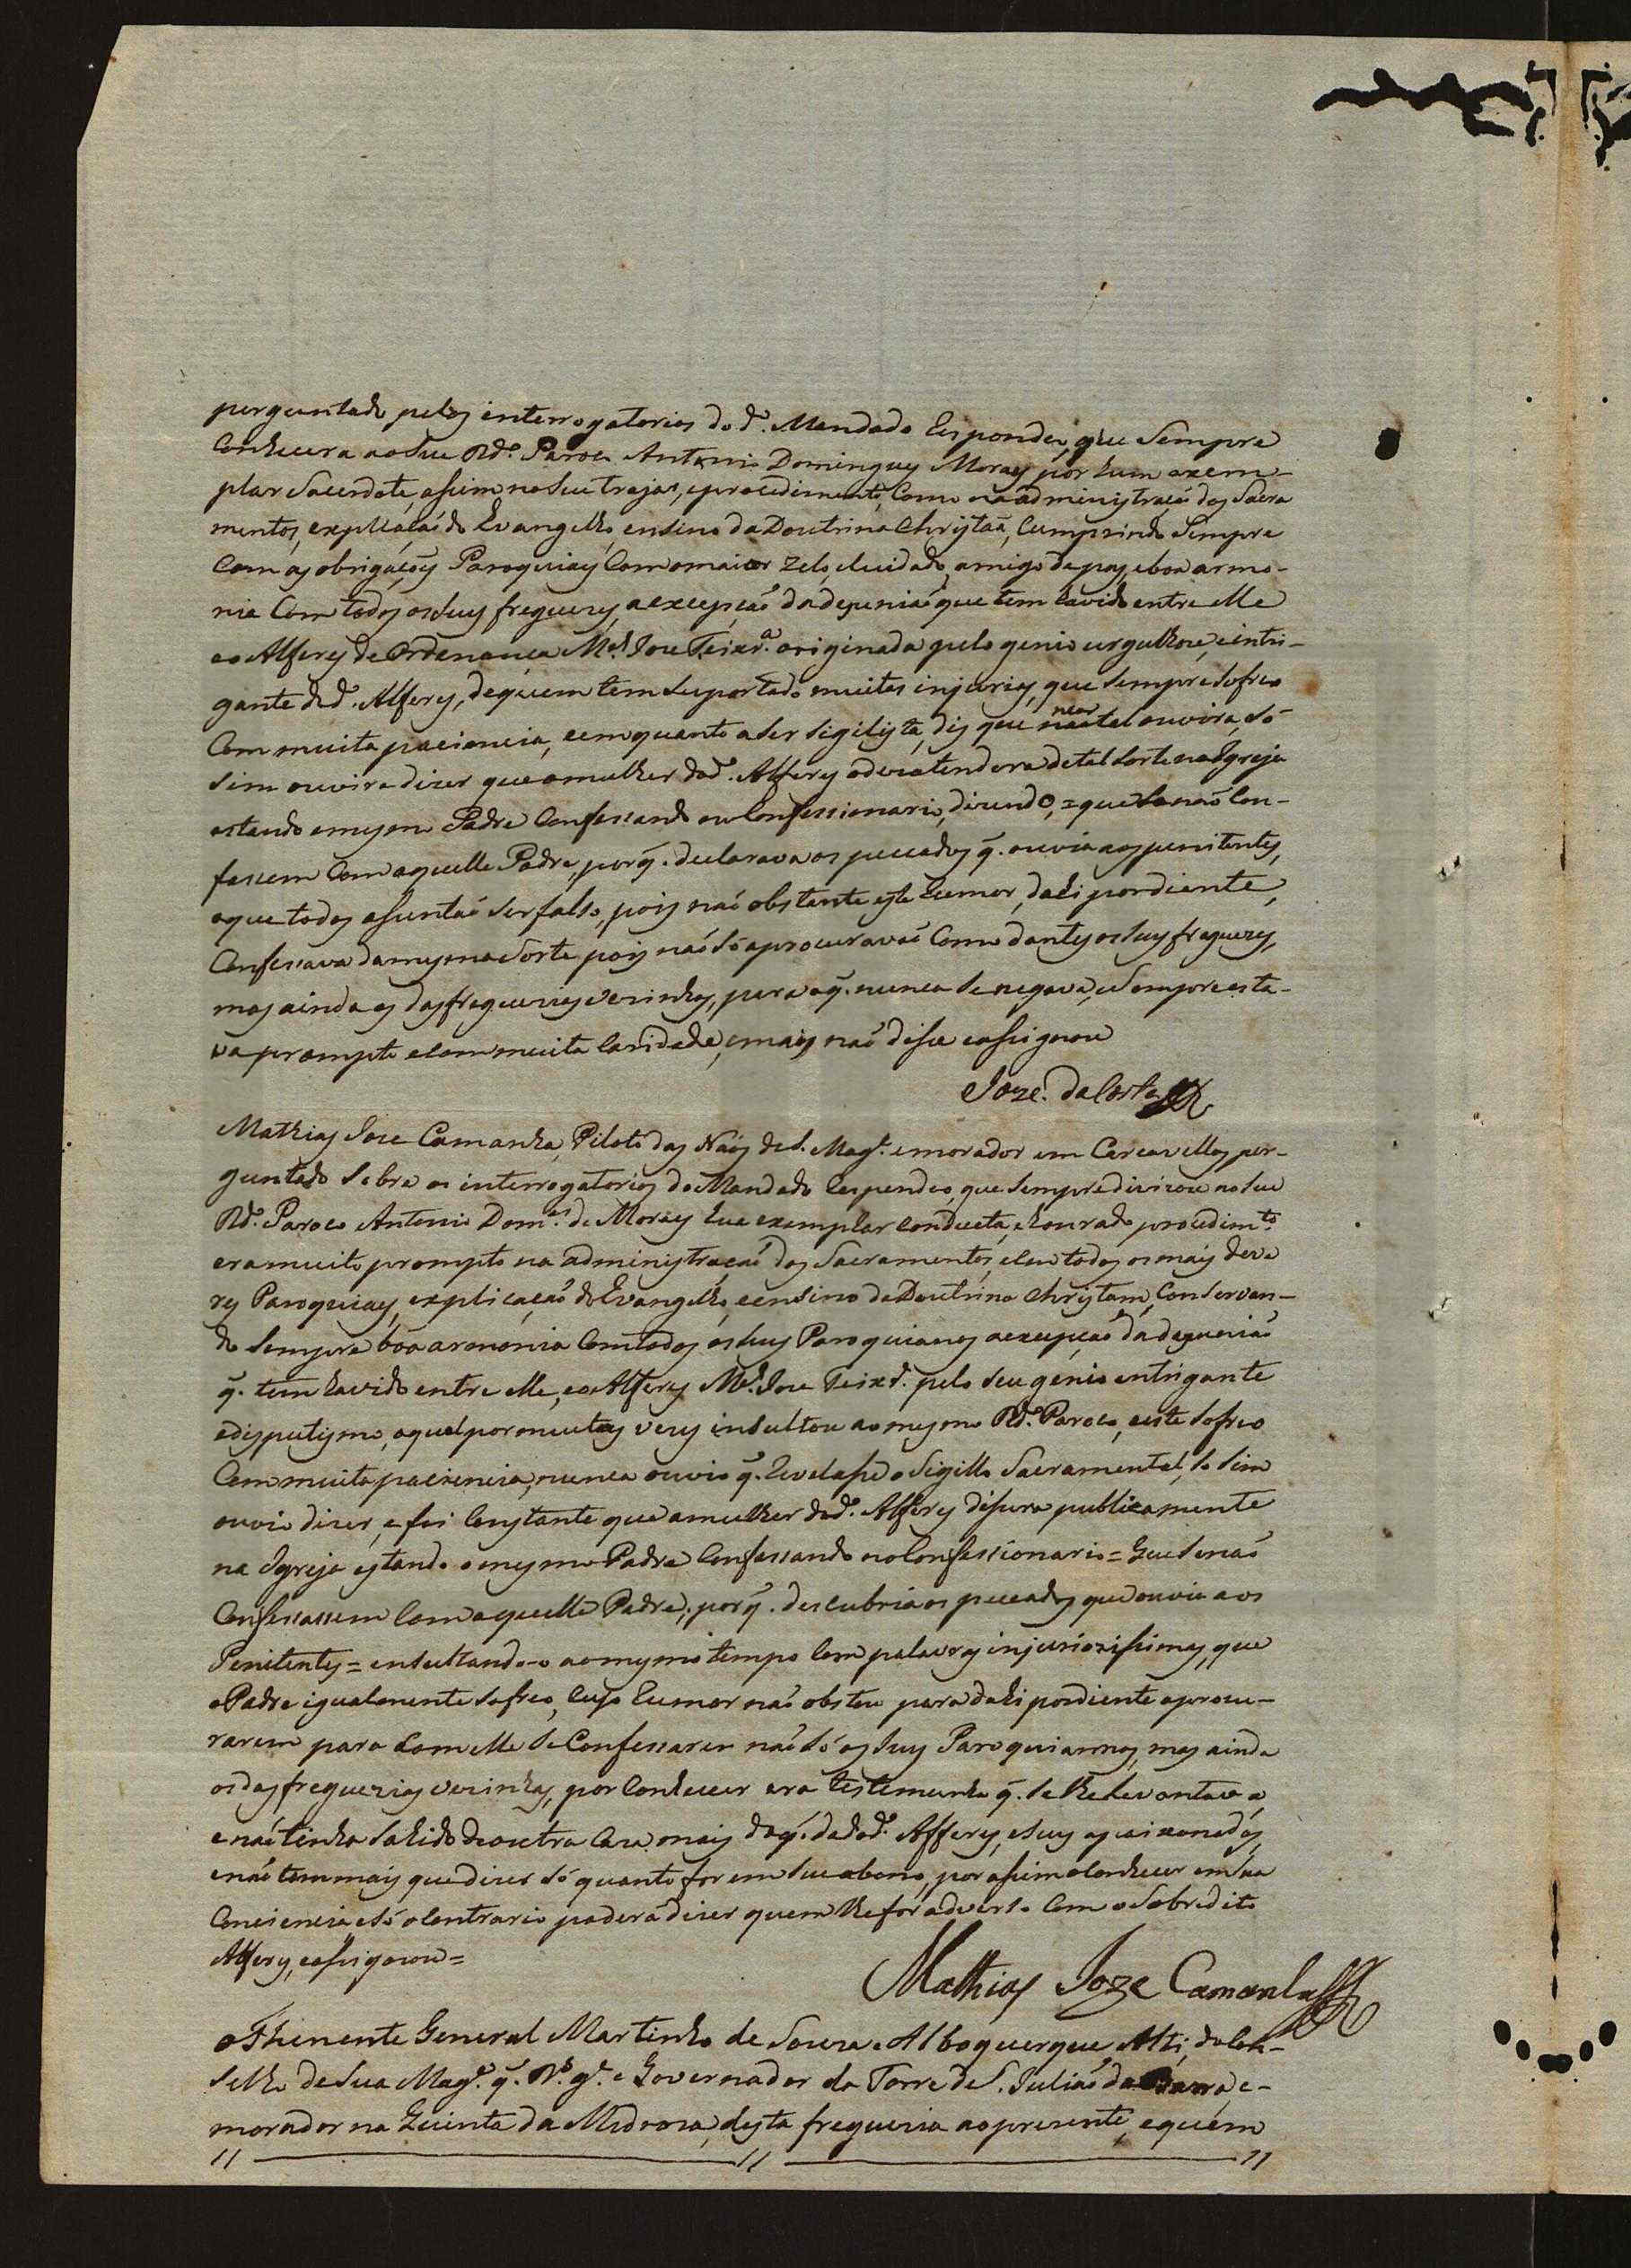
perguntado pelos interrogatorios do d.o Mandado Respondeo, que sempre
Conhecera ao Seu Rd.o Paroco Antonio Domingues Moraes por hum exem
plar Sacerdote assim no Seu trajar, e procedimento, Como na administração dos Sacra
mentos, explecaçaõ do Evangelho, ensino da Doutrina Christaã, Cumprindo sempre
Com as obrigações Paroquiaes Com o maior zelo, e cuidado, amigo da paz e boa armo
nia Com todos os seus freguezes, a excepçaõ da desuniaõ que tem havido entre elle
e o Alferes de Ordenança M.el Ioze Teixr.a originada pelo genio urgulhozo, e intri
gante do d.o Alferes, de quem tem suportado muitas injurias, que sempre sofreo
Com muita paciencia, e emquanto a ser sigilista, dis que
naõ
nao tal ouvira so
sim ouvira dizer que a mulher do d.o Alferes o dezatendera de tal sorte na Igreja
estando o mesmo Padre Confessando ao Confessionario, dizendo, = que senaõ con
fessem Com aquelle Padre, porq̄ declarava os peccados q̄ ouvia aos penitentes,
o que todos assentaõ ser falso, pois naõ obstante este Rumor, dahi por diante,
Confessava da mesma sorte pois naõ só aprocuravaõ Como dantes os seus freguezes,
mas ainda os das freguezias vezinhas, para o q̄ nunca se negava, e sempre esta
va prompto e com muita caridade, e mais naõ disse e assignou
Mathias Ioze Camanha, Piloto das Naós de S. Mag.e e morador em Carcavellos per
guntado sobre os interrogatorios do Mandado Respondeo, que sempre divizou no seu
Rd.o Paroco Antonio Dom.es de Moraes hua exemplar conducta, e honrado procedim.to
era muito prompto na administraçaõ dos Sacramentos, e em todos os mais deve
res Paroquiais, explicaçaõ do Evangelho, e ensino da Doutrina christam, conservan
do Sempre boa armonia Com todos os seus Paroquianos a excepcçaõ da desuniaõ
q̄ tem havido entre elle, e o Alferes M.el Ioze Teixr.a pelo seu genio intrigante
e disputismo, a qual por muitas vezes insultou ao mesmo R.do Paroco, e este sofreo
Com muita paciencia, nunca ouvio q̄ Revelasse o sigillo Sacramental, so sim
ouvio dizer, e foi Constante que a mulher do d.o Alferes dissera publicamente
na Igreja estando o mesmo Padre Confessando no Confessionario = Que senaõ
Confessassem Com aquelle Padre, porq̄ descubria os peccados que ouvia aos
Penitentes = Insultando-o ao mesmo tempo Com palavras injuriozissimas, que
o Padre igualmente sofreo, cujo Rumor naõ obstou para dahi por diante o procu
rarem para com elle Se Confessarem naõ só os seus Paroquianos, mas ainda
os da freguezia vezinhas, por conhecer era testemunha q̄ se lhe levantava,
e naõ tinha sahido de outra caza mais do q̄ do d.o Alferes, e seus apaixonados,
e naõ tem mais que dizer só quanto for em seu abono, por assim o conhecer em sua
consciencia e só o contrario poderá dizer quem lhe for adverso Com o sobredito
Alferes, e assignou =
O Thenente General Martinho de Souza Alboquerque Alti, do Con
selho de Sua Mag.e q̄ D.s g.e Governador da Torre de S. Iuliaõ da Barra, e
morador na Quinta da Midroza, desta freguezia ao prezente, e quem
